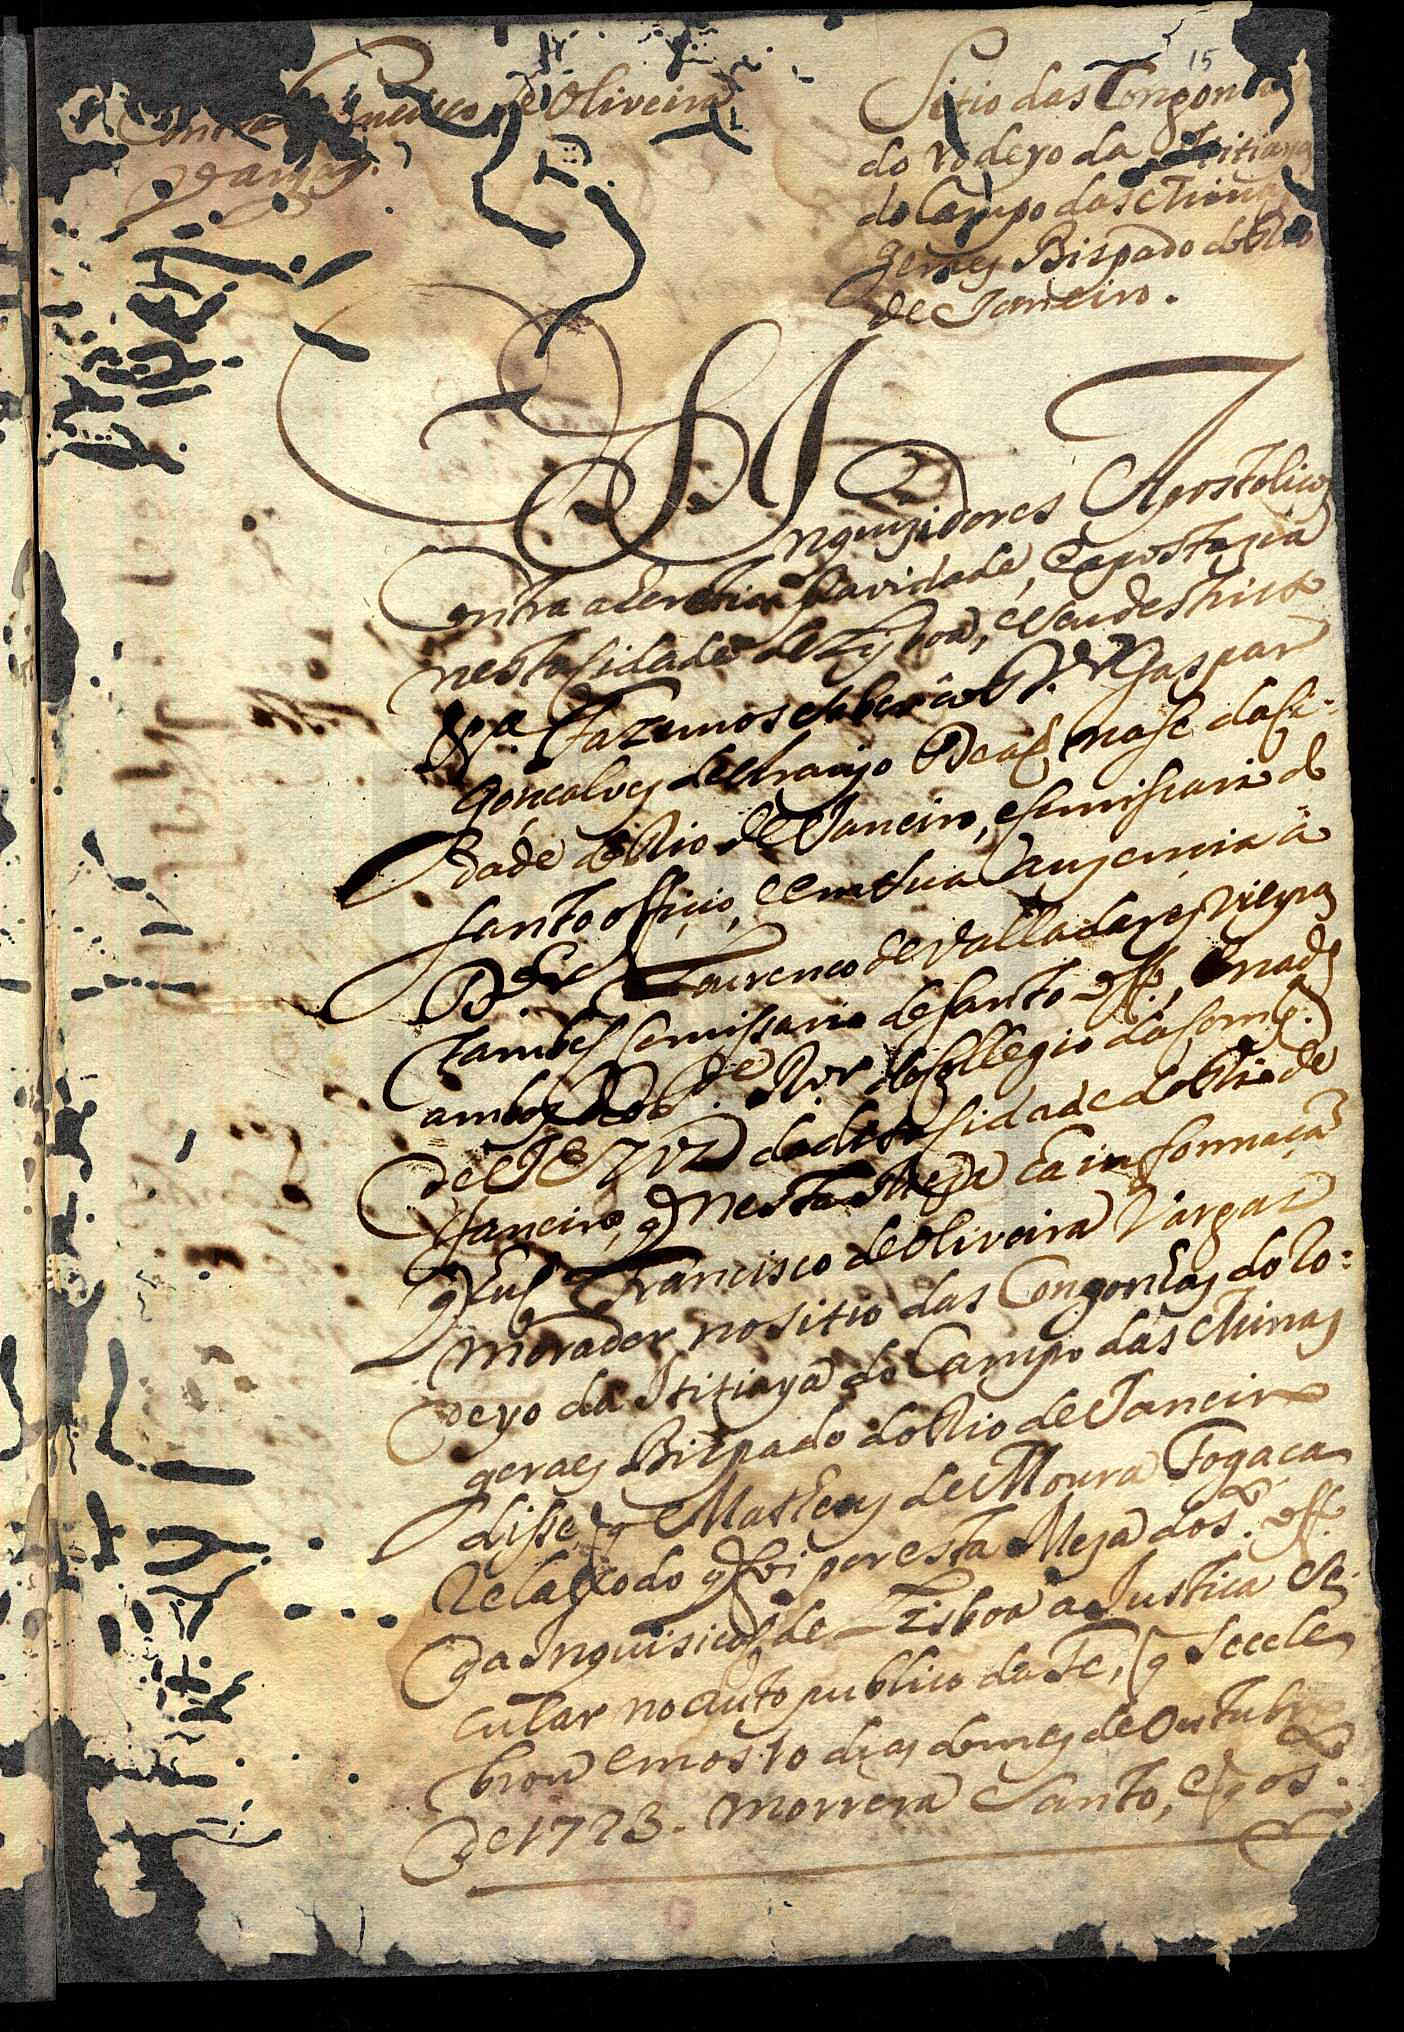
Sitio das Congon_as
ncisco de oliveira
do rodeyo da Ititiaya
Vargas.
do Campo das Minas
Geraes Bispado do Rio
de Ianeiro.
OS Inquisidores Apostolicos
Contra a heretica pravidade, e apostazia
nesta Cidade de Lisboa, e seu destricto
&a. Fazemos saber âo D.or Gaspar
Gonçalves de Araujo Deaõ na se da Ci
dade do Rio de Ianeiro, e Comissario do
santo oficio, e em sua auzencia a
D.or Lourenço de Valladares Vieyra
tambē Comissario do santo off.o, e na de
ambos ao P.e R.or do Collegio da Comp.a
de IEZVZ da dita Cidade do Rio de
Janeiro, q̄ nesta Meza ha informaçā
o hū Francisco de Oliveira Vargas
morador no sitio das Congonhas do Ro
deyo da Ititiaya do Campo das Minas
geraes Bispado do Rio de Ianeiro
disse q̄ Matheus de Moura Fogaça
Relaxado q̄ foi por esta Meza do s.to off.o
da Inquisiçaõ de Lisboa a Iustiça se
cular no auto publico da Fe, q̄ se cele
brou em os 10 dias do mes de Outubro
de 1723. morrera Santo, e q̄ o sto.
